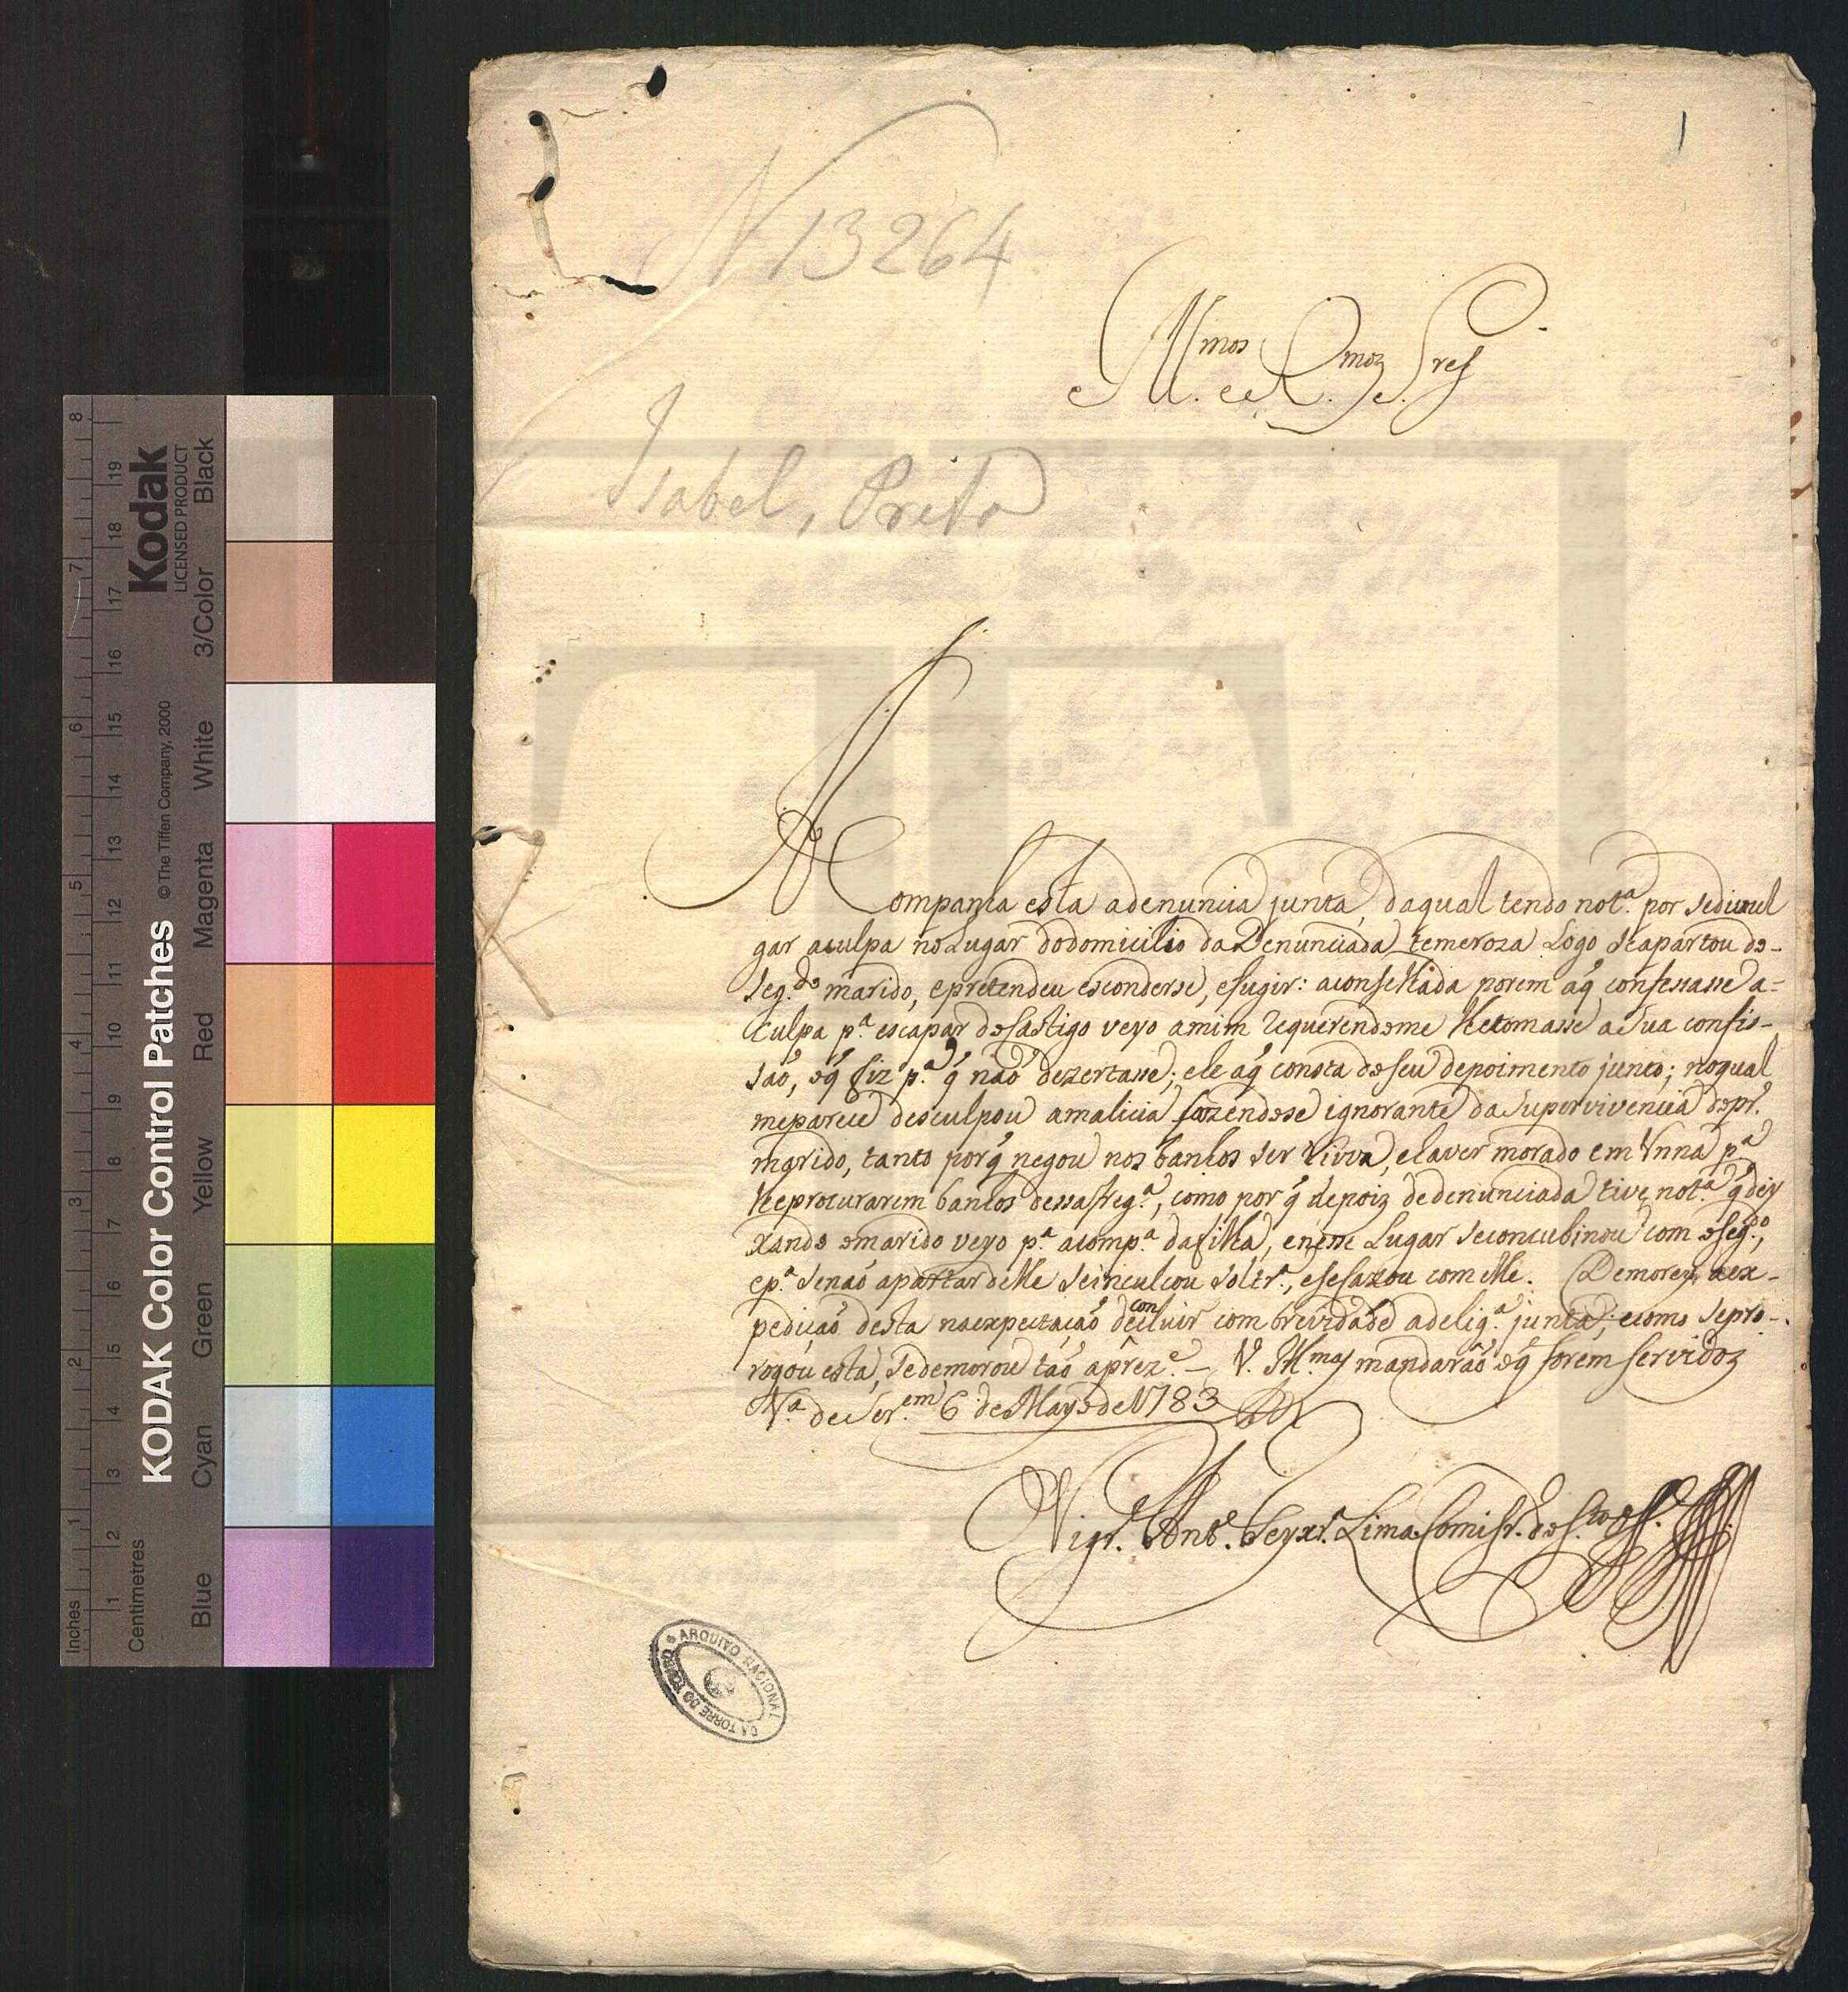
Ill.mos e R.moz S.res
ACompanha esta a denuncia junta, da qual tendo not.a por se divul
gar a culpa no Lugar do domicilio da Denunciada temeroza Logo se apartou do
seg.do marido, e pretendeu esconderse, e fugir: aconselhada porem a q̄ confessasse a
culpa p.a escapar do Castigo veyo a mim Requerendome lhe tomasse a sua confis
saõ, o q̄ fiz p.a q̄ naõ dezertasse; e he a q̄ consta do seu depoimento junto; no qual
me parece desculpou a malicia fazendose ignorante da supervivencia do pr.o
marido, tanto porq̄ negou nos banhos ser Vivva, e haver morado em Vnna p.a
lhe procurarem banhos dessa freg.a, como porq̄ depoiz de denunciada tive not.a q̄ dey
xando o marido veyo p.a a comp.a da filha, e nesse Lugar se concubinou com o seg.do,
e p.a senaõ apartar delle se inculcou soltr.a, e se Cazou com elle. Demorey a ex
pediçaõ desta na expectaçaõ de concluir com brevidade a delig.a junta; e como se pro
rogou esta, se demorou taõ aprez.e - V. Ill.mas mandarãó o q̄ forem servidoz
V.a de Ser.em 6 de Mayo de 1783
